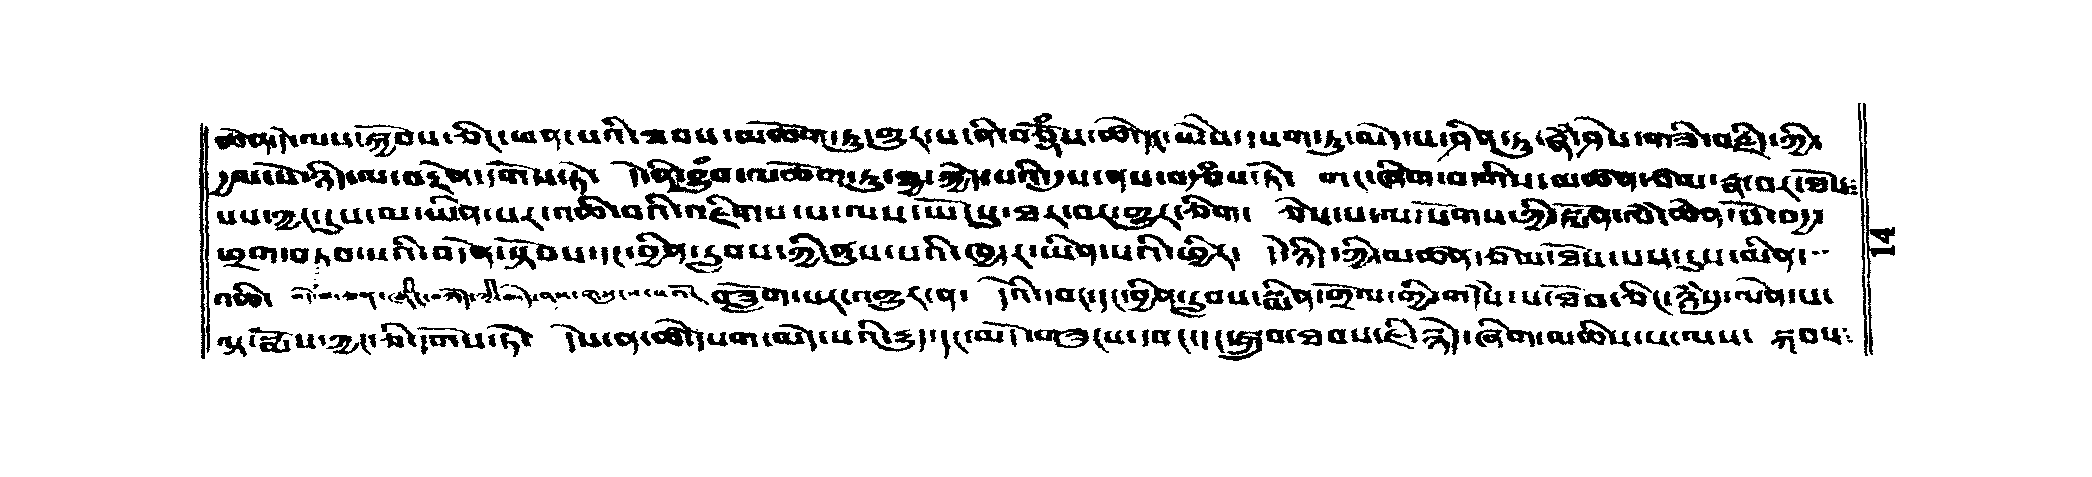ཆེན་དེ་ལས་སྐྱོབས་ཅིང་ཕན་པའི་ཐབས་མཆོག་ཏུ་གྱུར་པ་ནི་བཅོམ་ལྡན་འདས་ཚེ་དང་ཡེ་ཤེས་དཔག་ཏུ་མེད་པ་ཤིན་ཏུ་རྣམ་ཤེས་གཟི་བརྗིད་ཀྱི་
རྒྱལ་པོ་ཉིད་ལ་བརྟེན་དགོས་ཏེ། དེ་ནི་བྱང་ཆུབ་མཆོག་ཏུ་ཐུགས་སྐྱེད་པའི་དུས་ནས་བརྩམས་ཏེ། གང་ཞིག་བདག་གིས་མཚན་ཙམ་རྣ་བར་ཐོས་
པས་ཀྱང་དུས་མ་ཡིན་པར་འཆི་བའི་འཇིགས་པ་ལས་ཡོངས་སུ་ཐར་བར་གྱུར་ཅིག ཅེས་པ་ལ་སོགས་ཀྱི་སྨོན་ལམ་ཆེན་པོ་བརྒྱ་
ཕྲག་བཏབ་{ བདེ་བ་ཅན་ཞིང་བཀོད་ཀྱི་མེད་ནས་གསུངས་པའོ། }པའི་བདེན་སྟོབས་དང་བྱིན་རླབས་ཀྱི་ནུས་པའི་ཁྱད་པར་ཡིན་པའི་ཕྱིར། དེ་ཉིད་ཀྱི་མཚན་ཙམ་ཐོས་པས་དུས་མིན་
འཆི་བཟློག་པར་འགྱུར་ན། དེའི་དབང་དང་བྱིན་རླབས་སྨིན་གྲོལ་གྱི་གདམས་པ་ཐོབ་ཅིང་ཉམས་སུ་ལེན་པ་
ལྟ་སྨོས་ཀྱང་ཅི་དགོས་ཏེ། དཔེ་ན་ཚེ་དཔག་མེད་པའི་རྒྱུད་དང་མདོ་གཟུངས་དབང་དང་སྒྲུབ་ཐབས་ཇི་སྙེད་ཞིག་མཆིས་པ་ལས། སྐབས་